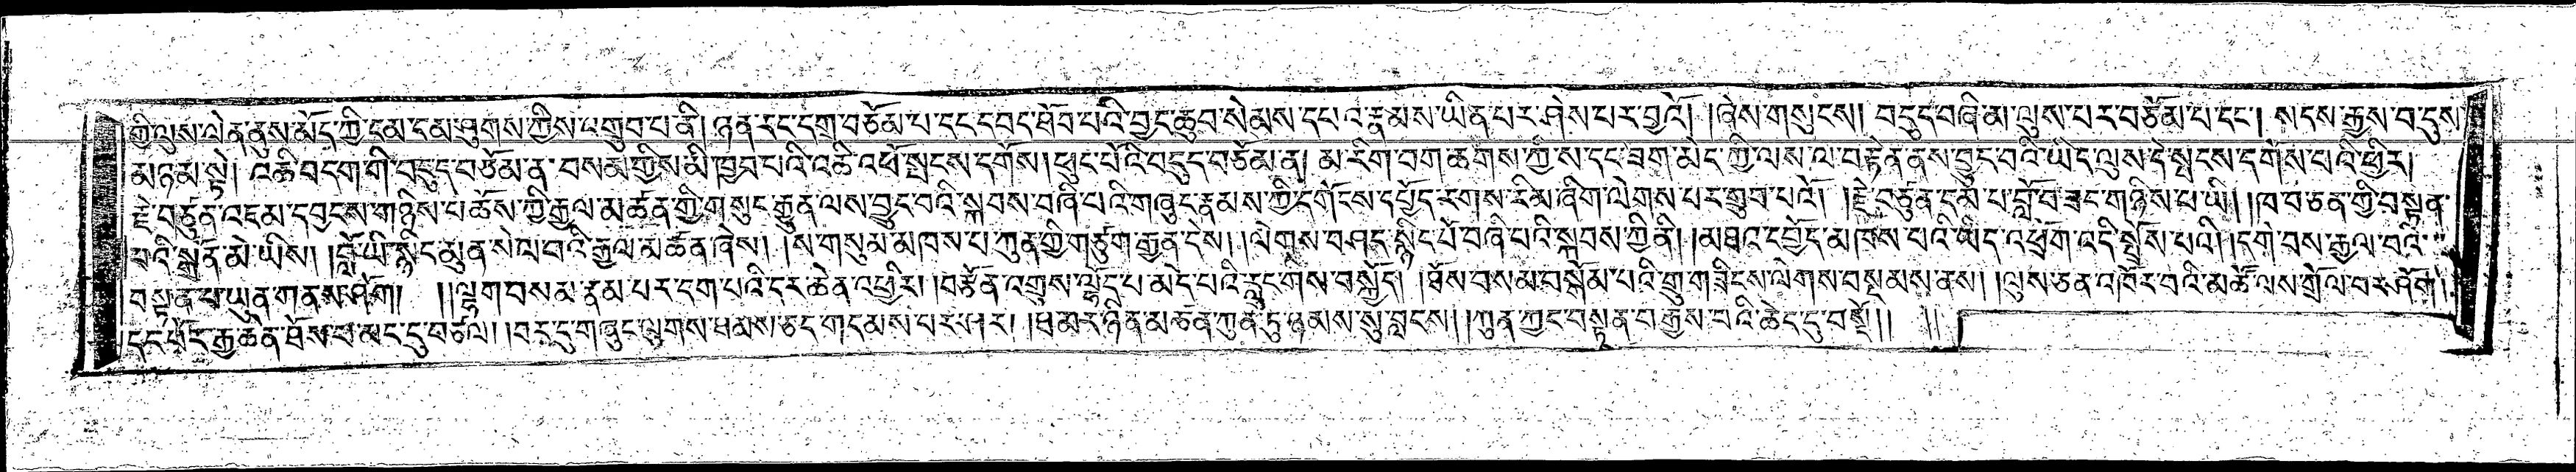གྱི་ལུས་ལེན་ནུས་མོད་ཀྱི་ངམ་ངམ་ཤུགས་ཀྱིས་འགྲུབ་པ་ནི། ཉན་རང་དགྲ་བཅོམ་པ་དང་དབང་ཐོབ་པའི་བྱང་ཆུབ་སེམས་དཔའ་རྣམས་ཡིན་པར་ཤེས་པར་བྱའོ། །ཞེས་གསུངས། བདུད་བཞི་མ་ལུས་པར་བཅོམ་པ་དང་། སངས་རྒྱས་བ་དུས་
མཉམ་སྟེ། འཆི་བདག་གི་བདུད་བཅོམ་ན་བསམ་གྱིས་མི་ཁྱབ་པའི་འཆི་འཕོ་སྤངས་དགོས། ཕུང་པོའི་བདུད་བཅོམ་ན། མ་རིག་བག་ཆགས་ཀྱི་ས་དང་ཟག་མེད་ཀྱི་ལས་ལ་བརྟེན་ནས་བྱུང་བའི་ཡིད་ལུས་དེ་སྤངས་དགོས་པའི་ཕྱིར།
རྗེ་བཙུན་འཇམ་དབྱངས་གཉིས་པ་ཆོས་ཀྱི་རྒྱལ་མཚན་གྱི་གསུང་རྒྱུན་ལས་བྱུང་བའི་སྐབས་བཞི་པའི་གཞུང་རྣམས་ཀྱི་དགོངས་དཔྱོད་རགས་རིམ་ཞིག་ལེགས་པར་གྲུབ་པའོ། །རྗེ་བཙུན་དམ་པ་བློ་བཟང་གཉིས་པ་ཡི། །ཁ་བ་ཅན་གྱི་བསྟན་
པའི་སྒྲོན་མེ་ཡིས། །བློ་ཡི་སྙིང་མུན་སེལ་བའི་རྒྱལ་མཚན་ཞེས། །ས་གསུམ་མཁས་པ་ཀུན་གྱི་གཙུག་རྒྱན་དེས། །ལེགས་བཤད་སྙིང་པོ་བཞི་པའི་སྐབས་ཀྱི་ནི། །མཐའ་དཔྱོད་མཁས་པའི་ཡིད་འཕྲོག་འདི་སྤྲོས་པའི། །དགེ་བས་རྒྱལ་བའི་
བསྟན་པ་ཡུན་གནས་ཤོག ། །།ལྷག་བསམ་རྣམ་པར་དག་པའི་དར་ཆེན་འཕྱར། །བརྩོན་འགྲུས་ལྷོད་པ་མེད་པའི་རླུང་གིས་བསྐྱོད། །ཐོས་བསམ་བསྒོམ་པའི་གྲུ་གཟིངས་ལེགས་བསྡམས་ནས། །ལུས་ཅན་འཁོར་བའི་མཚོ་ལས་གྲོལ་བར་ཤོག །
དང་པོར་རྒྱ་ཆེན་ཐོས་པ་མང་དུ་བརྩལ། །བར་དུ་གཞུང་ལུགས་ཐམས་ཅད་གདམས་པར་ཤར། །ཐ་མར་ཉིན་མཚན་ཀུན་ཏུ་ཉམས་སུ་བླངས། །ཀུན་ཀྱང་བསྟན་པ་རྒྱས་པའི་ཆེད་དུ་བསྔོ།། །།